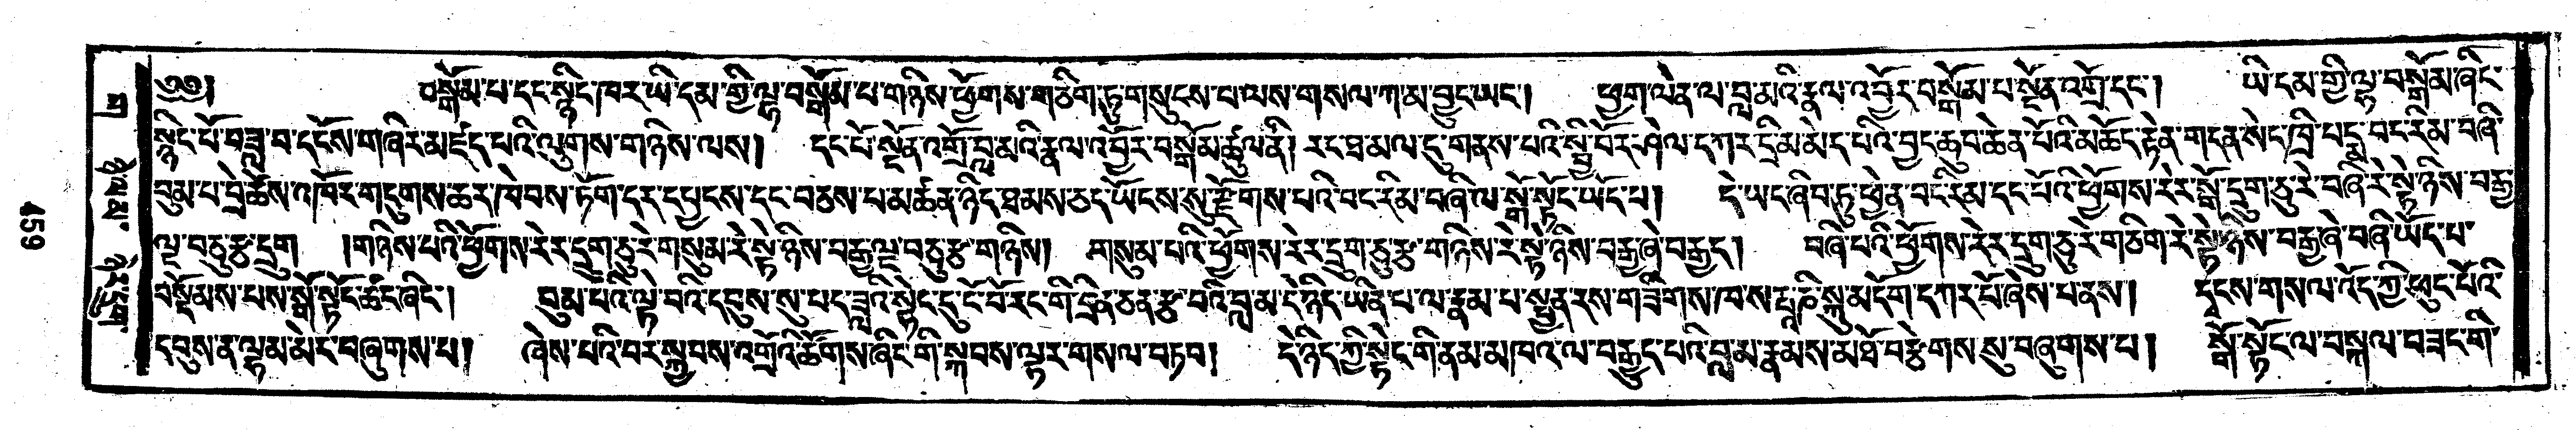༄༅། །བསྒོམ་པ་དང་སྙིང་ཁར་ཡི་དམ་གྱི་ལྷ་བསྒོམ་པ་གཉིས་ཕྱོགས་གཅིག་ཏུ་གསུངས་པ་ལས་གསལ་ཀ་མ་བྱུང་ཡང་། ཕྱག་ལེན་ལ་བླ་མའི་རྣལ་འབྱོར་བསྒོམ་པ་སྔོན་འགྲོ་དང་། ཡི་དམ་གྱི་ལྷ་བསྒོམ་ཞིང་
སྙིང་པོ་བཟླ་བ་དངོས་གཞིར་མཛད་པའི་ལུགས་གཉིས་ལས། དང་པོ་སྔོན་འགྲོ་བླ་མའི་རྣལ་འབྱོར་བསྒོམ་ཚུལ་ནི། རང་ཐ་མལ་དུ་གནས་པའི་སྤྱི་བོར་ཤེལ་དཀར་དྲི་མ་མེད་པའི་བྱང་ཆུབ་ཆེན་པོའི་མཆོད་རྟེན་གདན་སེང་ཁྲི་པདམ་བང་རིམ་བཞི་
བུམ་པ་བྲེ་ཚེས་འཁོར་གདུགས་ཆར་ཁེབས་ཏོག་དར་དབྱངས་དང་བཅས་པ་མཚན་ཉིད་ཐམས་ཅད་ཡོངས་སུ་རྫོགས་པའི་བང་རིམ་བཞི་ལ་སྒོ་སྟོང་ཡོད་པ། དེ་ཡང་ཞིབ་ཏུ་ཕྱེ་ན་བང་རིམ་དང་པོའི་ཕྱོགས་རེར་སྒོ་དྲུག་ཅུ་རེ་བཞི་རེ་སྟེ་ཉིས་བརྒྱ་
ལྔ་བཅུ་རྩ་དྲུག །གཉིས་པའི་ཕྱོགས་རེར་དྲུག་ཅུ་རེ་གསུམ་རེ་སྟེ་ཉིས་བརྒྱ་ལྔ་བཅུ་རྩ་གཉིས། གསུམ་པའི་ཕྱོགས་རེར་དྲུག་ཅུ་རྩ་གཉིས་རེ་སྟེ་ཉིས་བརྒྱ་ཞེ་བརྒྱད། བཞི་པའི་ཕྱོགས་རེར་དྲུག་ཅུ་རེ་གཅིག་རེ་སྟེ་ཉིས་བརྒྱ་ཞེ་བཞི་ཡོད་པ་
བསྡོམས་པས་སྒོ་སྟོང་ཚང་ཞིང་། བུམ་པའི་ལྟེ་བའི་དབུས་སུ་པད་ཟླའི་སྟེང་དུ་ངོ་བོ་རང་གི་བྲིན་ཅན་རྩ་བའི་བླ་མ་དེ་ཉིད་ཡིན་པ་ལ་རྣམ་པ་སྤྱན་རས་གཟིགས་ཁ་སརྦཱ་ཎི་སྐུ་མདོག་དཀར་པོ་ཞེས་པ་ནས། དྭངས་གསལ་འོད་ཀྱི་ཕུང་པོའི་
དབུས་ན་ལྷམ་མེར་བཞུགས་པ། ཞེས་པའི་བར་སྐྱབས་འགྲོའི་ཚོགས་ཞིང་གི་སྐབས་ལྟར་གསལ་བཏབ། དེ་ཉིད་ཀྱི་སྟེང་གི་ནམ་མཁའ་ལ་བརྒྱུད་པའི་བལ་མ་རྣམས་མཐོ་བརྩེགས་སུ་བཞུགས་པ། སྒོ་སྟོང་ལ་བསྐལ་བཟང་གི་